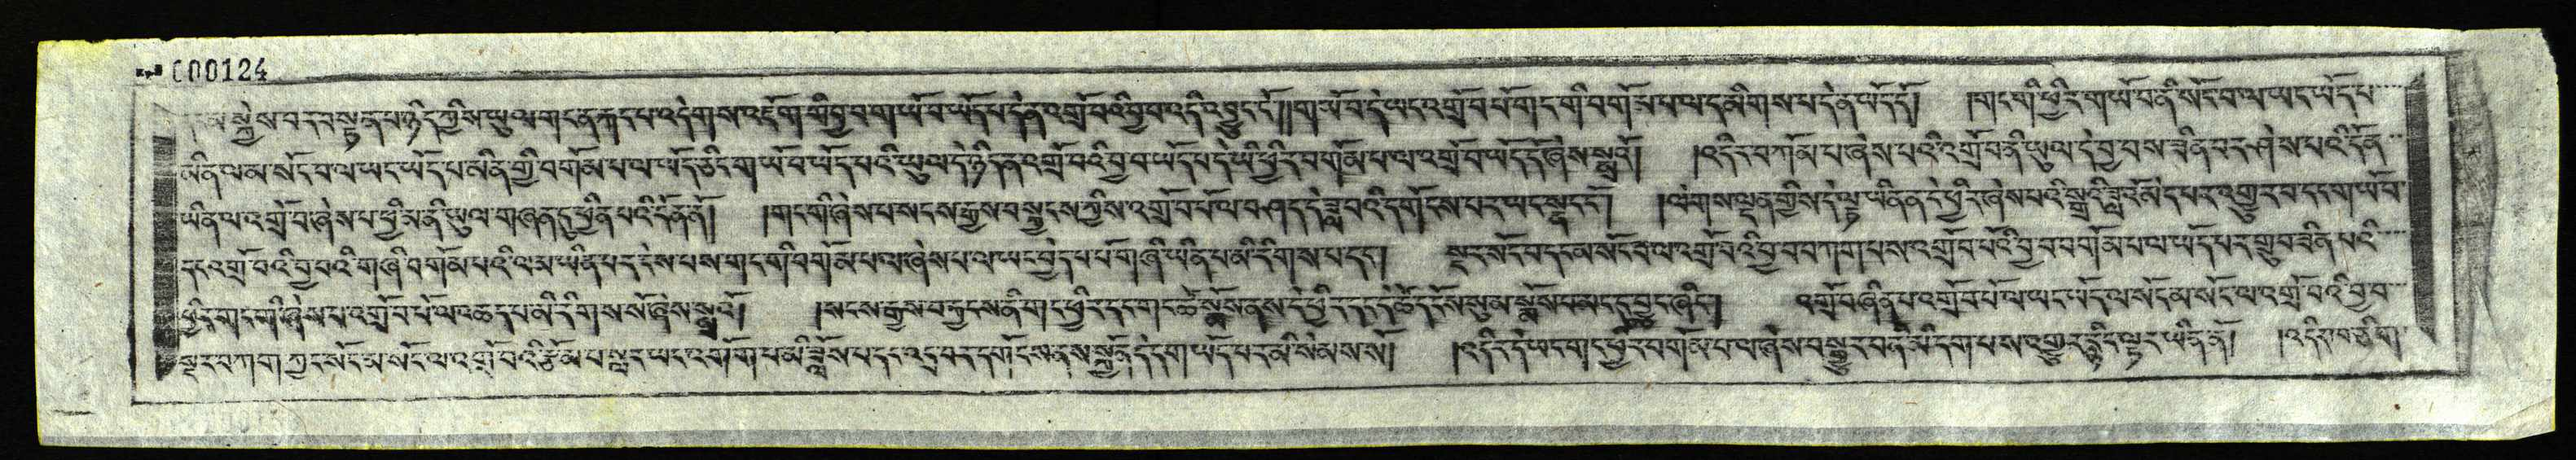ནང་མ་སྐྱེས་པར་བསྟན་པ་ཉིད་ཀྱིས་ཡུལ་གང་ན་རྐང་པ་འདེགས་འཇོག་གི་བྱ་བ་གཡོ་བ་ཡོད་པ་དེ་ན་འགྲོ་བའི་བྱ་བ་འདི་འབྱུང་ངོ། །གཡོ་བ་དེ་ཡང་འགྲོ་བ་པོ་གང་གི་བགོམ་པ་ལ་དམིགས་པ་དེ་ན་ཡོད་དོ། །གང་གི་ཕྱིར་གཡོ་བ་ནི་སོང་བ་ལ་ཡང་ཡོད་པ་
མིན་ལ་མ་སོང་བ་ལ་ཡང་ཡོད་པ་མིན་གྱི་བགོམ་པ་ལ་ཡོད་ཅིང་གཡོ་བ་ཡོད་པའི་ཡུལ་དེ་ཉིད་ན་འགྲོ་བའི་བྱ་བ་ཡོད་པ་དེ་ཡི་ཕྱིར་བགོམ་པ་ལ་འགྲོ་བ་ཡོད་དོ་ཞེས་སྨྲའོ། །འདིར་བཀོམ་པ་ཞེས་པའི་འགྲོ་བ་ནི་ཡུལ་དེ་བྱ་བས་ཟིན་པར་ཤེས་པའི་དོན་
ཡིན་ལ་འགྲོ་བ་ཞེས་པ་ཕྱི་མ་ནི་ཡུལ་གཞན་དུ་ཕྱིན་པའི་དོན་ནོ། །གང་གི་ཞེས་པ་སངས་རྒྱས་བསྐྱངས་ཀྱིས་འགྲོ་བ་པོ་ལ་བཤད་དེ་ཟླ་བའི་དགོངས་པར་ཡང་སྣང་ངོ། །ལེགས་ལྡན་གྱིས་དེ་ལྟ་ཡིན་ན་དེ་ཕྱིར་ཞེས་པའི་སྒྲའི་ཟླའོ་མེད་པར་འགྱུར་བ་དང་གཡོ་བ་
དང་འགྲོ་བའི་བྱ་བའི་གཞི་བགོམ་པའི་ལམ་ཡིན་པར་ངེས་པས་གང་གི་བགོམ་པ་ལ་ཞེས་པ་ལ་ཡང་བྱེད་པ་པོ་གཞི་ཡིན་པ་མི་རིགས་པ་དང་། སྔར་སོང་བ་དང་མ་སོང་བ་ལ་འགྲོ་བའི་བྱ་བ་བཀག་པས་འགྲོ་བ་པོའི་བྱ་བ་བགོམ་པ་ལ་ཡོད་པར་གྲུབ་ཟིན་པའི་
ཕྱིར་གང་གི་ཞེས་པ་འགྲོ་བ་པོ་ལ་འཆད་པ་མི་རིགས་སོ་ཞེས་སྨྲའོ། །སངས་རྒྱས་བརྐྱངས་ནི་གང་ཕྱིར་དང་གང་ཚེ་སྨོས་ནས་དེ་ཕྱིར་དང་དེ་ཚེ་དངོས་སུ་མ་སྨོས་པ་མང་དུ་བྱུང་ཞིང་། འགྲོ་བཞིན་པ་འགྲོ་བ་པོ་ལ་ཡང་ཡོད་ལ་སོང་མ་སོང་ལ་འགྲོ་བའི་བྱ་བ་
སྔར་བཀག་ཀྱང་སོང་མ་སོང་ལ་འགྲོ་བའི་རྩོམ་པ་སླར་ཡང་འགོག་པ་མི་ཟློས་པ་དང་འདྲ་བར་དགོངས་ནས་སྐྱོན་དེ་དག་ཡོད་པར་མི་སེམས་སོ། །འདིར་དེ་ཡང་གང་ཕྱིར་བགོམ་པ་ལ་ཞེས་བསྒྱུར་བ་ནི་མི་དག་པས་འགྱུར་རྙིང་ལྟར་ཡིན་ནོ། །འདིར་ཁ་ཅིག་